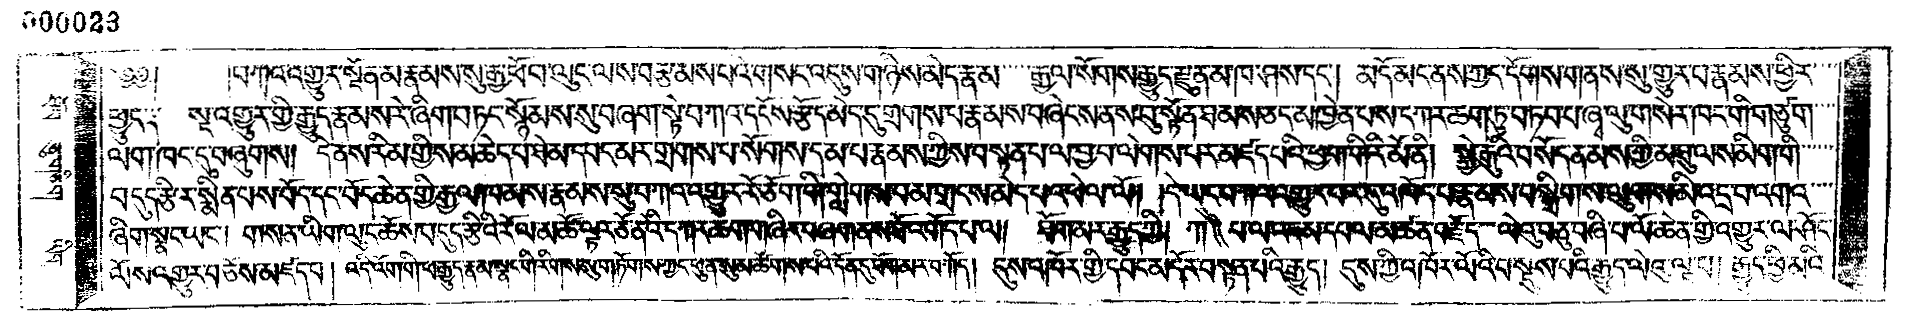༄༅། །བཀའ་འགྱུར་སྔོན་མ་རྣམས་སུ་རྒྱ་ཕོ་བ་ལུང་ལས་བརྩམས་པའི་གསང་འདུས་གཉིས་མེད་རྣམ་རྒྱལ་སོགས་རྒྱུད་རྫུན་མ་ཁ་ཤས་དང་། མདོ་མང་ནས་ཀྱང་དོགས་གནས་སུ་གྱུར་བ་རྣམས་ཕྱིར་
ཕྱུང༑ སྔ་འགྱུར་གྱི་རྒྱུད་རྣམས་རེ་ཞིག་བཏང་སྙོམས་སུ་བཞག་སྟེ་བཀའ་དངོས་རྩོད་མེད་དུ་གྲགས་པ་རྣམས་བཞེངས་ནས་བུ་སྟོན་ཐམས་ཅད་མཁྱེན་པས་དཀར་ཆག་ཏུ་བཏབ་པ་ཞྭ་ལུ་གསེར་ཁང་གི་གཙུག་
ལག་ཁང་དུ་བཞུགས། དེ་ནས་རིམ་གྱིས་མཆེད་པ་ཐེམ་དབང་མར་གྲགས་པ་སོགས་དམ་པ་རྣམས་ཀྱིས་བསྟན་པ་ལ་བྱ་བ་ལེགས་པར་མཛད་པའི་ཕྱག་གི་རི་མོ་ནི། སྐྱེ་རྒུའི་བསོད་ནམས་ཀྱི་མཐུ་ལས་མིག་གི་
བདུད་རྩིར་སྨིན་པས་བོད་དང་བོད་ཆེན་གྱི་རྒྱལ་ཁམས་རྣམས་སུ་བཀའ་འགྱུར་རོ་ཅོག་གི་གླེགས་བམ་གྲངས་མེད་པ་འཕེལ་ལོ། །དེ་ཡང་བཀའ་འགྱུར་བར་དུ་འཁོད་པ་རྣམས་བསྒྲིགས་ལུགས་མི་འདྲ་བ་འགའ་
ཞིག་སྣང་ཡང་། གསན་ཡིག་ལུང་ཆོས་བདུད་རྩིའི་རོལ་མཚོ་ལྟར་ཅོ་ནེའི་དཀར་ཆག་གཞིར་བཞག་ནས་ཐོ་འགོད་པ་ལ། ཐོག་མར་རྒྱུད་ཀྱི། ཀ༼༽ པ་ལ་འཇམ་དཔལ་མཚན་བརྗོད་ལེའུ་བཅུ་བཞི་པ་ལོ་ཆེན་གྱི་འགྱུར་ལ་ཤོང་
ལོས་འགྱུར་བཅོས་མཛད་པ། འདི་འོག་གི་ཕ་རྒྱུད་རྣམ་སྣང་གི་རིགས་སུ་གཏོགས་ཀྱང་ཕུན་སུམ་ཚོགས་པའི་དོན་དུ་ཐོག་མར་བཀོད།  དུས་འཁོར་གྱི་དབང་མདོར་བསྟན་པའི་རྒྱུད། དུས་ཀྱི་འཁོར་ལོའི་བསྡུས་པའི་རྒྱུད་ལེའུ་ལྔ་པ། རྒྱུད་ཕྱི་མའི་